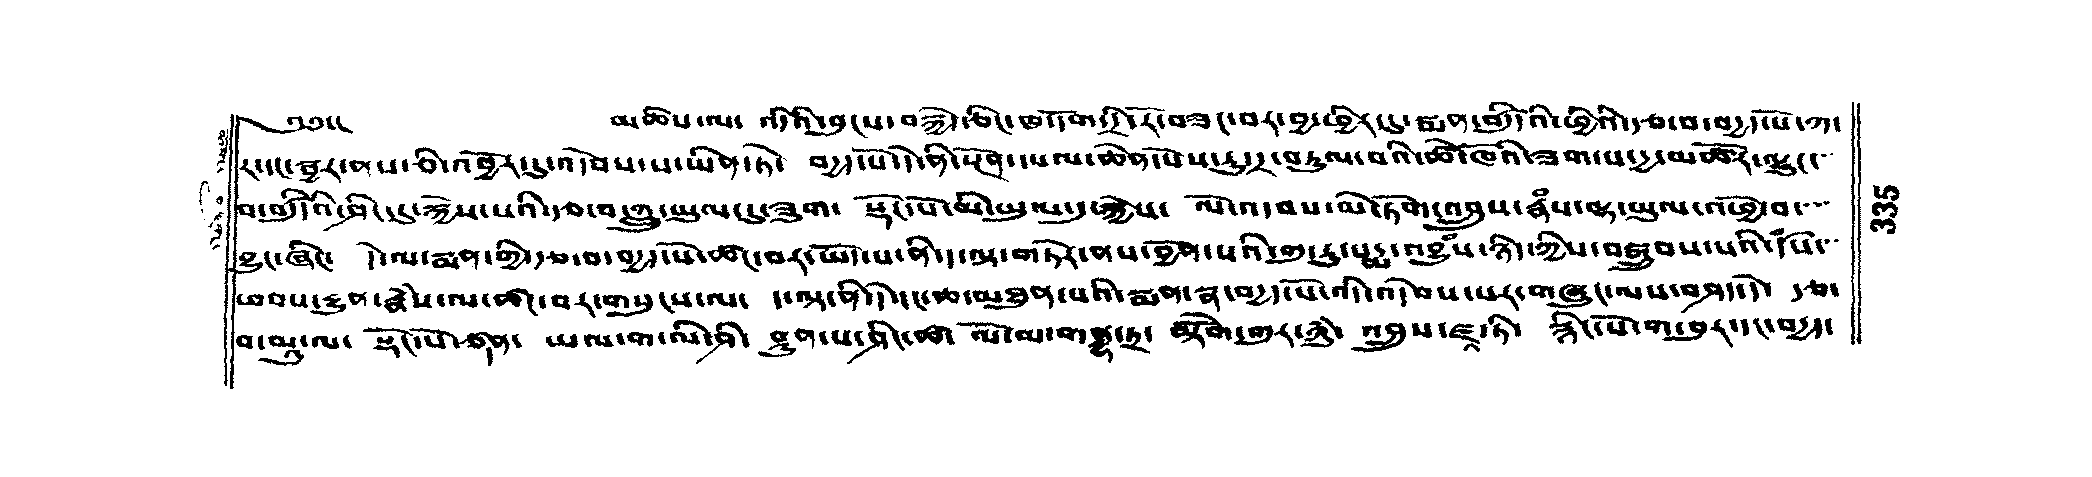མཆིས་ལ། འདིའི་བུངས་བསྐྱེད་ཅིང་ཁ་དོག་དྲི་རོ་བཟང་བར་བྱ་ཕྱིར་དུ་སྨན་བདུད་རྩི་ཕྱིའི་རྩ་བ་བརྒྱད་པོ་ཀ་
ར་དང་སྦྱར་ནས་ཅི་འབྱོར་དུ་འདེབས་པ་ཡིན་ཏེ། བརྒྱད་པོ་དེ་ནི་སྔོན་དཔལ་ཆེན་པོས་རུ་ཊ་བརྟུལ་བའི་ཚེ་ཁོའི་ཟག་པ་རྒྱ་མཚོར་ལྷུང་
བ་བདུད་རྩིའི་ཤིང་དུ་སྐྱེས་པའི་རྩ་བ་ཀླུ་ཡུལ་དུ་ཟུག་སྡོང་པོ་མི་ཡུལ་དུ་སྐྱེས། ལོ་འདབ་འབྲས་བུ་མེ་ཏོག་རྣམས་ལྷ་ཡུལ་འཕྱོ་བ་
བྱུང་ཞིང་། དེ་ལ་སྨན་གྱི་རྩ་བ་བརྒྱད་པོ་ཚང་བར་ཡོད་པ་ནི་ད་ལྟ་གཏེར་ནས་བྱོན་པའི་གུ་རུ་པདྨ་འབྱུང་གནས་ཉིད་ཀྱིས་བསྒྲུབས་པའི་དམ་རྫས་
ཕབས་རྒྱུན་རྣམས་ལ་ཚང་བར་གསུངས་ལ། ད་ལྟ་ནི་དེ་དང་ཆ་མཐུན་པའི་སྨན་རཀ་སྣ་བརྒྱད་པོ་འདི་འདེབས་པར་གཞུང་ལས་བཤད་དེ། རྩ་
བ་མཱུ་ལ། ཡལ་ག་ལི་ཤི། ཤུན་པ་ཤིང་ཚ། ལོ་མ་གནྡྷ་ཏྲ། མེ་ཏོག་གུར་ཀུམ། སྙིང་པོ་ག་བུར་དང་བརྒྱད།